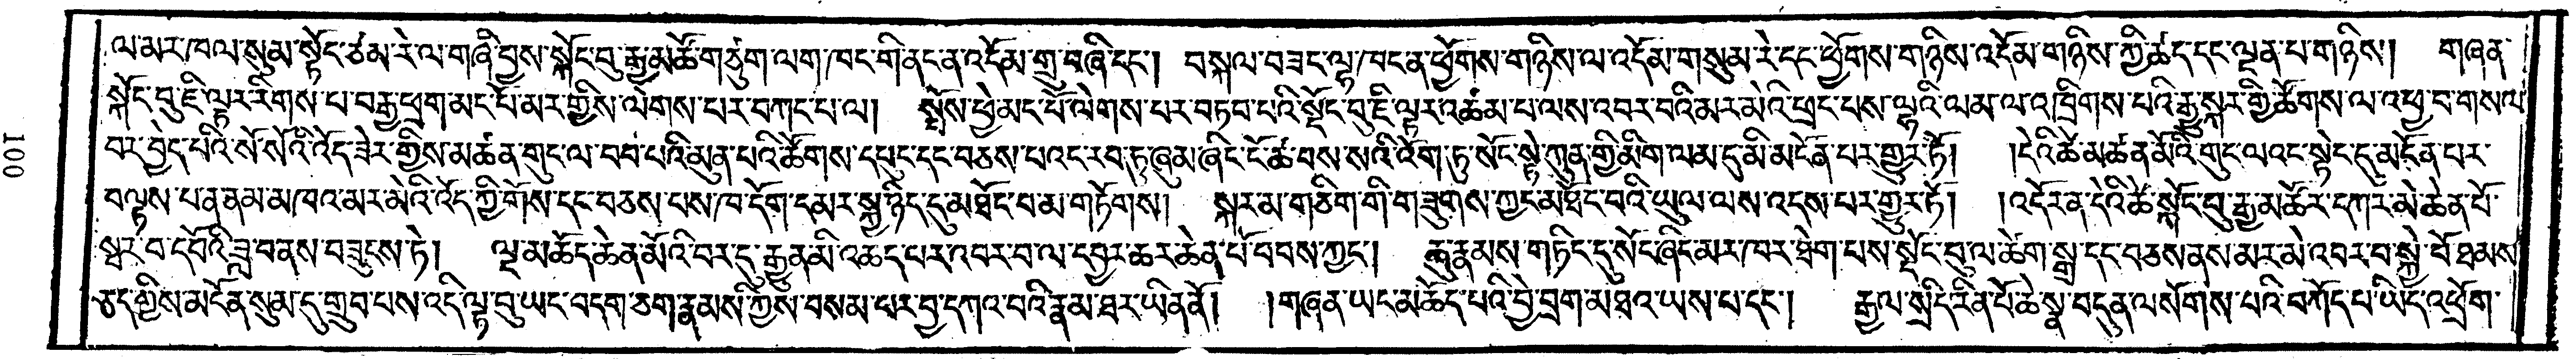ལ་མར་ཁལ་སུམ་སྟོང་ཙམ་རེ་ལ་གཞི་བྱས་སྐོང་བུ་རྒྱ་མཚོ་གཙུག་ལག་ཁང་གི་ནང་ན་འདོམ་གྲུ་བཞི་དང་། བསྐལ་བཟང་ལྷ་ཁང་ན་ཕྱོགས་གཉིས་ལ་འདོམ་གསུམ་རེ་དང་ཕྱོགས་གཉིས་འདོམ་གཉིས་ཀྱི་ཚད་དང་ལྡན་པ་གཉིས། གཞན་
སྐོང་བུ་ཇི་ལྟར་རིགས་པ་བརྒྱ་ཕྲག་མང་པོ་མར་གྱིས་ལེགས་པར་བཀང་པ་ལ། སྤོས་ཕྱེ་མང་པོ་ལེགས་པར་བཏབ་པའི་སྡོང་བུ་ཇི་ལྟར་འཚམ་པ་ལས་འབར་བའི་མར་མེའི་ཕྲང་པས་ལྷའི་ལམ་ལ་འཁྲིགས་པའི་རྒྱུ་སྐར་གྱི་ཚོགས་ལ་འཕྱ་བ་གསལ་
བར་བྱེད་པའི་སོ་སོའི་འོད་ཟེར་གྱིས་མཚན་གུང་ལ་བབ་པའི་མུན་པའི་ཚོགས་དཔུང་དང་བཅས་པའང་རབ་ཏུ་ཞུམ་ཞིང་ངོ་ཚ་བས་སའི་འོག་ཏུ་སོང་སྟེ་ཀུན་གྱི་མིག་ལམ་དུ་མི་མངོན་པར་གྱུར་ཏོ། །དེའི་ཚེ་མཚན་མོའི་གུང་ལའང་སྟེང་དུ་མངོན་པར་
བལྟས་པ་ན་ནམ་མཁའ་མར་མེའི་འོད་ཀྱི་གོས་དང་བཅས་པས་ཁ་དོག་དམར་སྐྱ་ཉིད་དུ་མཐོང་བ་མ་གཏོགས། སྐར་མ་གཅིག་གི་གཟུགས་ཀྱང་མཐོང་བའི་ཡུལ་ལས་འདས་པར་གྱུར་ཏོ། །འདོར་ན་དེའི་ཚེ་སྐོང་བུ་རྒྱ་མཚོར་དཀར་མེ་ཆེན་པོ་
སྦར་བ་དབོའི་ཟླ་བ་ནས་བཟུངས་ཏེ། ལྔ་མཆོད་ཆེན་མོའི་བར་དུ་རྒྱུན་མི་འཆད་པར་འབར་བ་ལ་དབྱར་ཆད་ཆེན་པོ་བབས་ཀྱང་། ཆུ་རྣམས་གཏིང་དུ་སོང་ཞིང་མར་ཁར་ཐེག་པས་སྡོང་བུ་ལ་ཚེག་སྒྲ་དང་བཅས་ནས་མར་མེ་འབར་བ་སྐྱེ་བོ་ཐམས་
ཅད་གྱིས་མངོན་སུམ་དུ་གྲུབ་པས་འདི་ལྟ་བུ་ཡང་བདག་ཅག་རྣམས་ཀྱིས་བསམ་པར་བྱ་དཀའ་བའི་རྣམ་ཐར་ཡིན་ནོ། །གཞན་ཡང་མཆོད་པའི་བྱེ་བྲག་མཐའ་ཡས་པ་དང་། རྒྱལ་སྲིད་རིན་པོ་ཆེ་སྣ་བདུན་ལ་སོགས་པའི་བཀོད་པ་ཡིད་འཕྲོག་